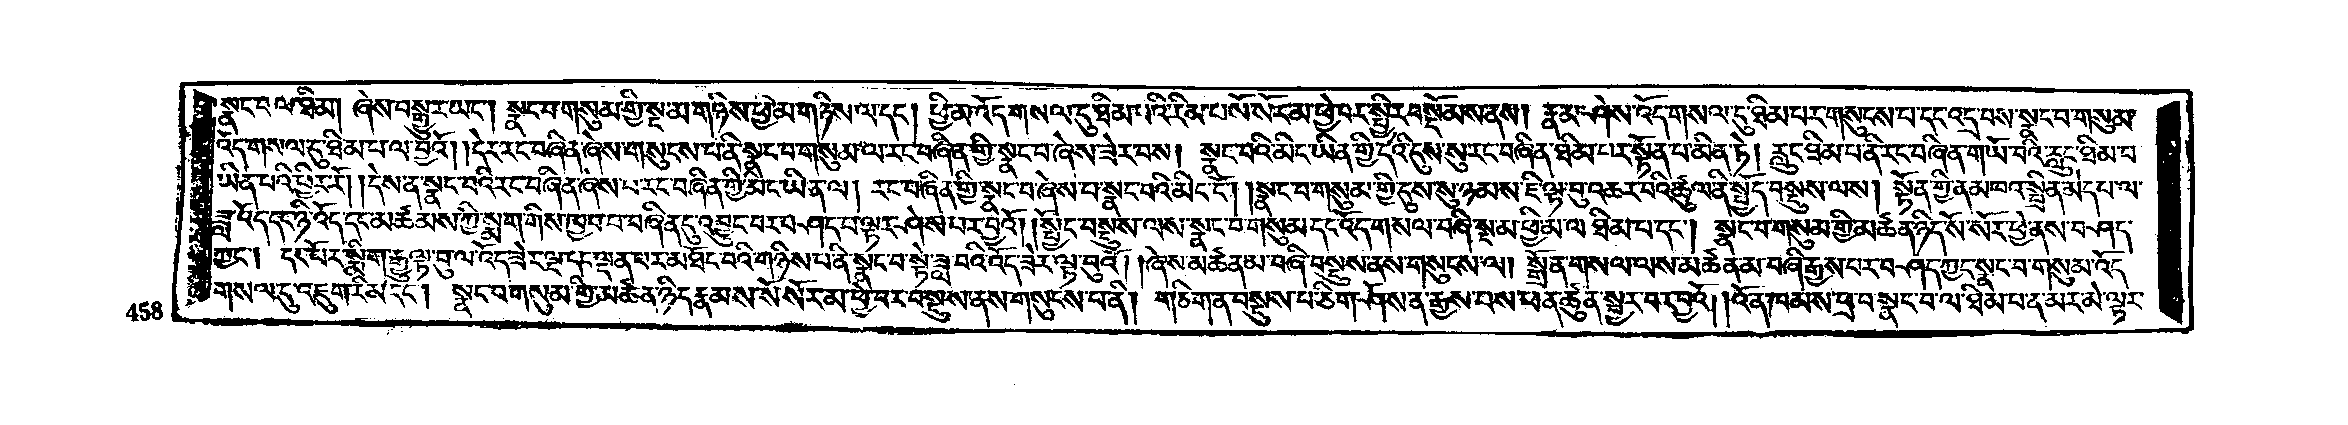སྣང་བ་ལ་ཐིམ། ཞེས་བསྒྱུར་ཡང་། སྣང་བ་གསུམ་གྱི་སྔ་མ་གཉིས་ཕྱི་མ་གཉིས་ལ་དང་། ཕྱི་མ་འོད་གསལ་དུ་ཐིམ་པའི་རིམ་པ་སོ་སོར་མ་ཕྱེ་བར་སྤྱིར་བསྡོམས་ནས། རྣམ་ཤེས་འོད་གསལ་དུ་ཐིམ་པར་གསུངས་པ་དང་འདྲ་བས་སྣང་བ་གསུམ་
འོད་གསལ་དུ་ཐིམ་པ་ལ་བྱའོ། །དེར་རང་བཞིན་ཞེས་གསུངས་པ་ནི་སྣང་བ་གསུམ་ལ་རང་བཞིན་གྱི་སྣང་བ་ཞེས་ཟེར་བས། སྣང་བའི་མིང་ཡིན་གྱི་དེའི་དུས་སུ་རང་བཞིན་ཐིམ་པར་སྟོན་པ་མིན་ཏེ། རླུང་ཐིམ་པ་ནི་རང་བཞིན་གཡོ་བའི་རླུང་ཐིམ་པ་
ཡིན་པའི་ཕྱིར་རོ། །དེས་ན་སྣང་བའི་རང་བཞིན་ཞེས་པ་རང་བཞིན་གྱི་མིང་ཡིན་ལ། རང་བཞིན་གྱི་སྣང་བ་ཞེས་པ་སྣང་བའི་མིང་ངོ། །སྣང་བ་གསུམ་གྱི་དུས་སུ་ཉམས་ཇི་ལྟ་བུ་འཆང་བའི་ཚུལ་ནི་སྤྱོད་བསྡུས་ལས། སྟོན་གྱི་ནམ་མཁའ་སྤྲིན་མེད་པ་ལ་
ཟླ་འོད་དང་ཉི་འོད་དང་མཚམས་ཀྱི་སྨག་གིས་ཁྱབ་པ་བཞིན་དུ་འབྱུང་བར་བཤད་པ་ལྟར་ཤེས་པར་བྱའོ། །སྤྱོད་བསྡུས་ལས་སྣང་བ་གསུམ་དང་འོད་གསལ་བཞི་སྔ་མ་ཕྱི་མ་ལ་ཐིམ་པ་དང་། སྣང་བ་གསུམ་གྱི་མཚན་ཉིད་སོ་སོར་ཕྱེ་ནས་བཤད་
ཀྱང་། དང་པོར་སྨིག་རྒྱུ་ལྟ་བུ་ལ་འོད་ཟེར་ལྔ་དང་ལྡན་པར་མཐོང་བའི་གཉིས་པ་ནི་སྣང་བ་སྟེ་ཟླ་བའི་འོད་ཟེར་ལྟ་བུའོ། །ཞེས་མཚན་མ་བཞི་བསྡུས་ནས་གསུངས་ལ། སྒྲོན་གསལ་ལས་མཚན་མ་བཞི་རྒྱས་པར་བཤད་ཀྱང་སྣང་བ་གསུམ་འོད་
གསལ་དུ་འཇུག་རིམ་དང་། སྣང་བ་གསུམ་གྱི་མཚན་ཉིད་རྣམས་སོ་སོར་མ་ཕྱེ་བར་བསྡུས་ནས་གསུངས་པ་ནི། གཅིག་ན་བསྡུས་པ་ཅིག་ཤོས་ན་རྒྱས་པས་ཕན་ཚུན་སྦྱར་བར་བྱའོ། །འོ་ན་ཁམས་ཕྲ་བ་སྣང་བ་ལ་ཐིམ་པ་ན་མར་མེ་ལྟར་